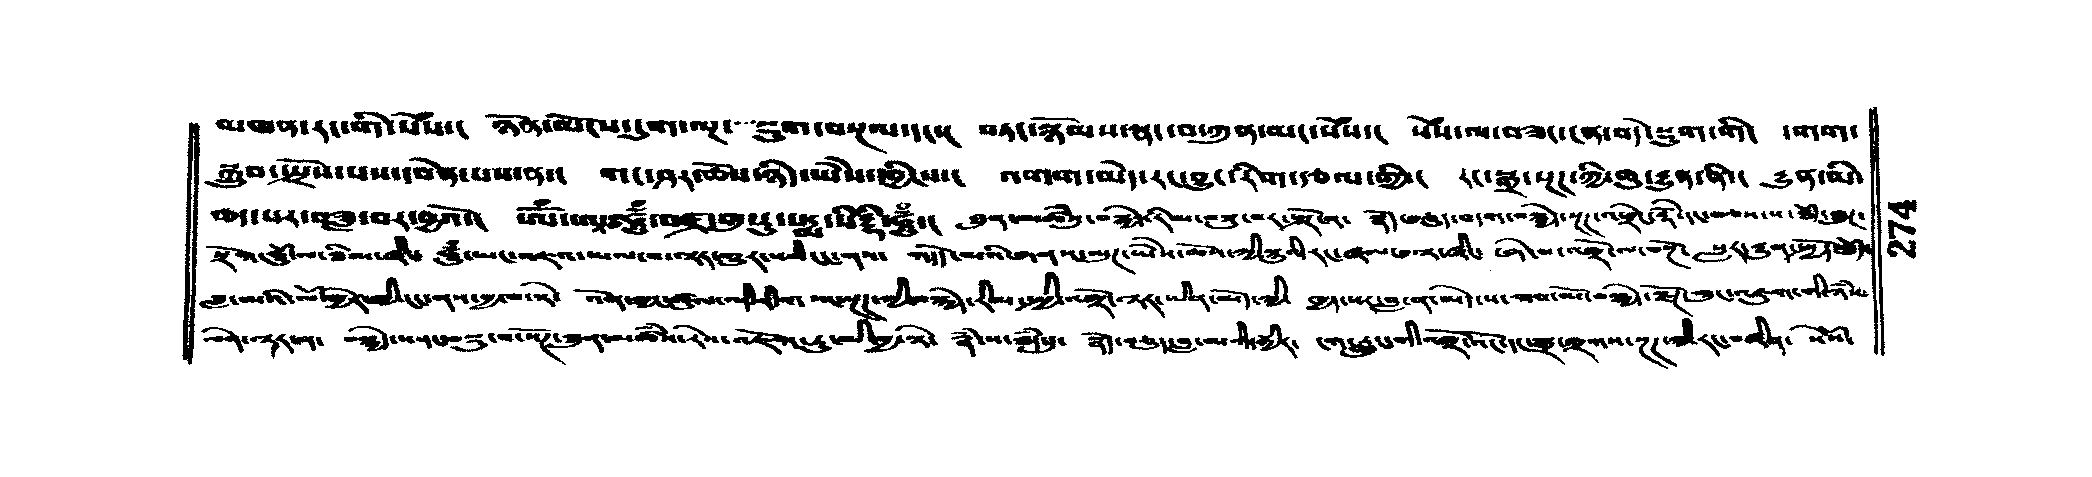མཁན་རང་གི་སེམས། །ཉོན་མོངས་དུག་ལྔ་སྡུག་བསྔལ་དང་། །བཏང་སྙོམས་སྣང་བ་ཀུན་རང་སེམས། །སེམས་ལ་བཟང་ངན་བདེ་སྡུག་གི །དགག་
སྒྲུབ་སྤྲོས་པས་དབེན་པས་ན། །གང་ཤར་ཆོས་ཉིད་ཡེ་ཤེས་དབྱིངས། །འགག་མེད་རང་བྱུང་རིག་རྩལ་གྱི། །རང་སྒྲ་སྔགས་ཀྱི་ཆུ་རྒྱུན་ནི། །རྒྱུན་མི་
ཆད་པར་བཟླ་བར་བྱའོ། ཨོཾ་ཨཱཿཧཱུྃ་བཛྲ་གུ་རུ་པདྨ་སིདྡྷི་ཧཱུྃ། ཐུན་མཚམས་སུ་བསྐྱེད་རིམ་བསྡུད་བར་སྤྲོ་ན། སྣོད་བཅུད་བདག་བསྐྱེད་སྔགས་འཕྲེང་རྡོ་རྗེ་དང་བཅས་པ་ཐམས་ཅད་ཐུགས་
སྲོག་ཧཱུྃ་ལ་ཐིམ་ཞིང་། ཧཱུྃ་ཡང་འཇའ་ཡལ་བ་ལྟར་གྱུར་པའི་ངང་ནས། གདོད་མའི་གནས་ལུགས་ཡེ་ཤེས་ཆོས་ཀྱི་སྐུའི་རང་ཞལ་བལྟ་ཞིང་། དགེ་བ་འགྲོ་ལ་བསྔོ། སླར་རྒྱུན་སྤྱོད་ཐམས་ཅད་
བླ་མའི་ལམ་ཁྱེད་ཀྱི་ངང་ནས་བྱ་བ་སྟེ། འོན་ཀྱང་ཚུལ་འདི་ནི་གསང་སྔགས་ཀྱི་བསྐྱེད་རིམ་སྤྱི་འགྲོ་ལྟར་ཡིན་མོད་ཀྱི། ཁྱད་པར་བླ་ན་མེད་པ་ཟབ་མོ་བསྐྱེད་རྫོགས་ཟུང་འཇུག་གི་
ཉམས་ལེན་ལྟར་ན། བསྐྱེད་པ་དང་བསྡུ་བ་སོགས་ཐུན་མཚམས་རེས་འཇོག་ཏུ་མི་བྱ་སྟེ། རྣམ་པ་ཐམས་ཅད་དུ། སྣོད་བཅུད་བླ་མའི་དཀྱིལ་འཁོར། ངག་རླུང་གི་འགྲོ་འོང་དང་སྒྲ་གྲགས་སྔགས་ཀྱི་རང་བཞིན། སེམས་